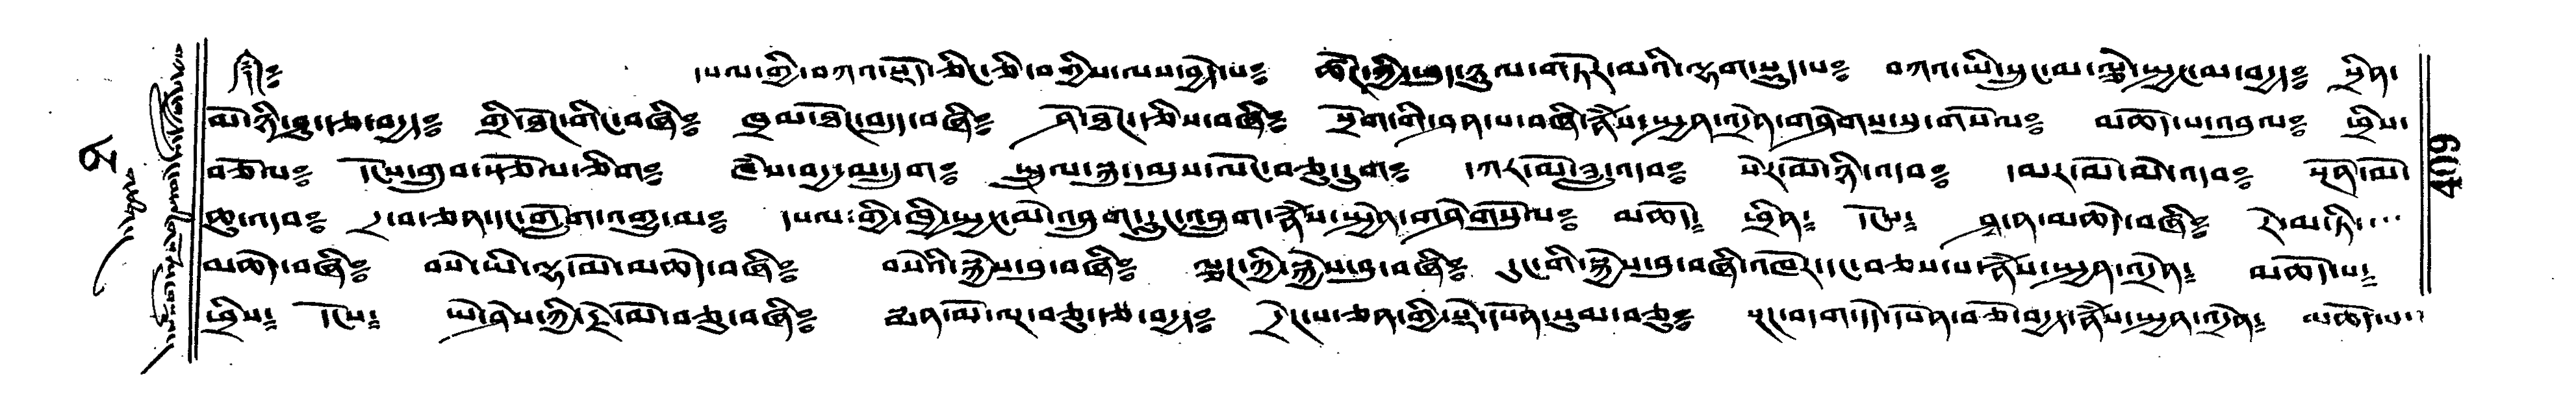༄༅། དཔལ་གྱི་བཀའ་སྡོད་ཅིང་ཅི་བགྱིས་ལས་བྱེད་པ༔ ཚོགས་ཀྱི་ཕུད་ཉུལ་གཏོར་མའི་ལྷག་སྡུད་པ༔ བཀའ་ཡི་སྲུང་མ་ལྕེ་སྤྱང་མ་བརྒྱད༔ སྲིན་
མོ་ཉི་ཤུ་རྩ་བརྒྱད༔ གྲི་ཐོགས་གིང་བཞི༔ ཁྲམ་ཐོགས་བདུད་བཞི༔ ཤྭོ་ཐོགས་རྩིས་བཞི༔ སྲོག་གི་ཤན་པ་བཞི་རྣམས་སྤྱན་འདྲེན་གཤེགས་སུ་གསོལ༔ མཆོད་པ་འབུལ༔ ཕྲིན་༔ལས་
བཅོལ༔ དངོས་གྲུབ་སྩོལ་ཅིག༔ ཁམས་བརྒྱ་མ་དྲུག༔ སྤྲུལ་སྐུ་དམུས་ལོང་བཅུ་དྲུག༔ དཀར་མོ་ཟླ་འདབ༔ སེར་མོ་ཉི་འདབ༔ དམར་མོ་མེ་འདབ༔ སྔོན་མོ་
ཆུ་འདབ༔ དྲྭ་བ་ཅན་དང་གློག་འགྱུ་མ༔ དཔལ་གྱི་ཁྱི་སྤྱང་མེ་འབྲུག་རླུང་འབྲུག་རྣམས་སྤྱན་འདྲེན་གཤེགས་སུ་གསོལ༔ མཆོད༴ ཕྲིན༴ དངོས༴ ཤྭ་ན་མཆེད་བཞི༔ རེ་མ་ཏི་
མཆེད་བཞི༔ བསེ་ཡི་ལྷ་མོ་མཆེད་བཞི༔ བསེའི་སྐྱེས་བུ་བཞི༔ ལྕགས་ཀྱི་སྐྱེས་བུ་བཞི༔ དུང་གི་སྐྱེས་བུ་བཞི་འཁོར་དང་བཅས་པ་རྣམས་སྤྱན་འདྲེན༴ མཆོད་པ༴ 
ཕྲིན་ལས༴ དངོས༴ ཡེ་ཤེས་ཀྱི་རྗེ་མོ་བཅུ་བཞི༔ སྨན་མོ་ལྔ་བཅུ་རྩ་བརྒྱད༔ དྲེགས་པ་ཅན་གྱི་སྡེ་དཔོན་སུམ་ཅུ༔ སྔགས་བདག་དེད་དཔོན་བཅོ་བརྒྱད་རྣམས་སྤྱན་འདྲེན༴ མཆོད་པ༴